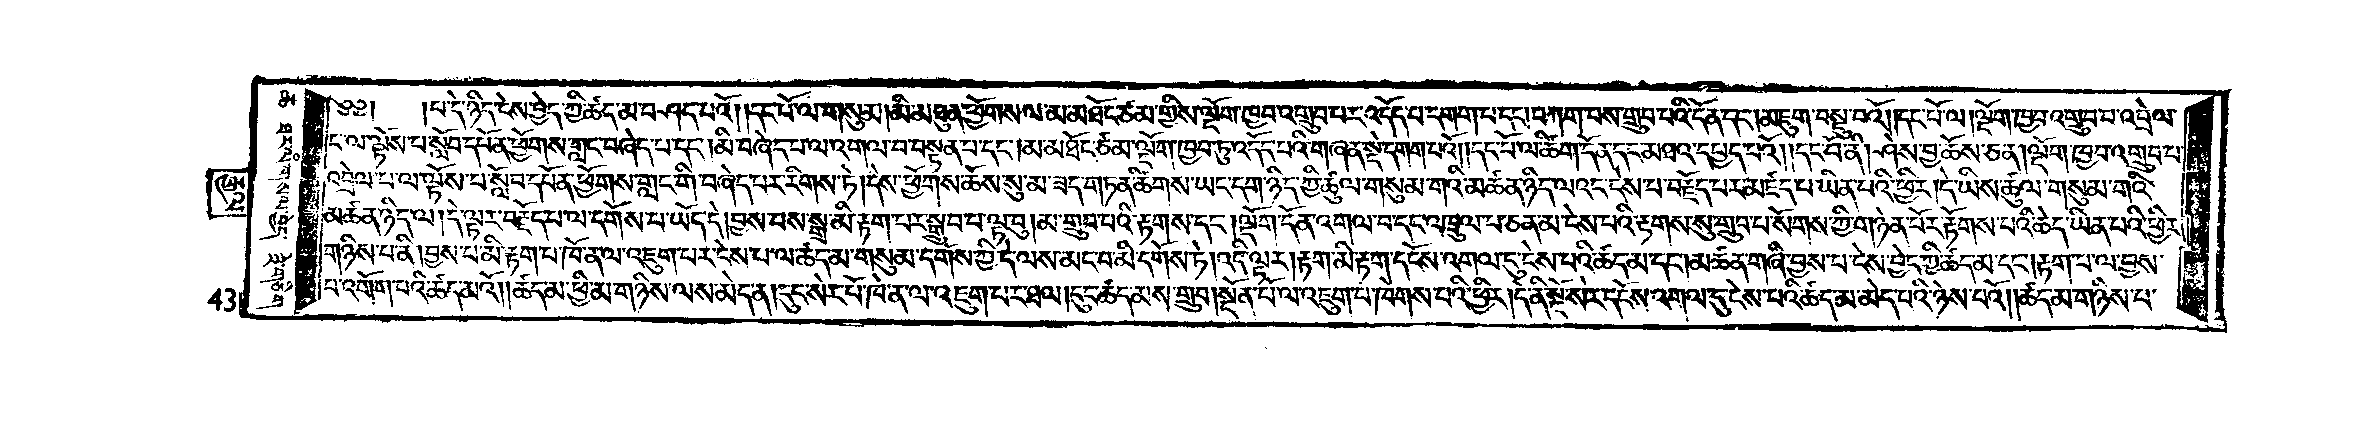༄༅། །པ་དེ་ཉིད་ངེས་བྱེད་ཀྱི་ཚད་མ་བཤད་པའོ། །དང་པོ་ལ་གསུམ། མི་མཐུན་ཕྱོགས་ལ་མ་མཐོང་ཙམ་གྱིས་ལྡོག་ཁྱབ་འགྲུབ་པར་འདོད་པ་དགག་པ་དང་། བཀག་པས་གྲུབ་པའི་དོན་དང་། མཇུག་བསྡུ་བའོ། །དང་པོ་ལ། ལྡོག་ཁྱབ་འགྲུབ་པ་འབྲེལ་
པ་ལ་ལྟོས་པ་སློབ་དཔོན་ཕྱོགས་གླང་བཞེད་པ་དང་། མི་བཞེད་པ་ལ་འགལ་བ་བསྟན་པ་དང་། མ་མཐོང་ཙམ་ལྡོག་ཁྱབ་ཏུ་འདོད་པའི་གཞན་སྡེ་དགག་པའོ། །དང་པོ་ལ་ཚིག་དོན་དང་མཐའ་དཔྱད་པའོ། །དང་པོ་ནི། ཤེས་བྱ་ཆོས་ཅན། ལྡོག་ཁྱབ་འགྲུབ་པ་
འབྲེལ་པ་ལ་ལྟོས་པ་སློབ་དཔོན་ཕྱོགས་གླང་གི་བཞེད་པར་རིགས་ཏེ། དེས་ཕྱོགས་ཆོས་སུ་མ་ཟད་གཏན་ཚིགས་ཡང་དག་ཉིད་ཀྱི་ཚུལ་གསུམ་གའི་མཚན་ཉིད་ལའང་ངེས་པ་བརྗོད་པར་མཛད་པ་ཡིན་པའི་ཕྱིར། དེ་ཡིས་ཚུལ་གསུམ་གའི་
མཚན་ཉིད་ལ། དེ་ལྟར་བརྗོད་པ་ལ་དགོས་པ་ཡོད་དེ། བྱས་པས་སྒྲ་མི་རྟག་པར་སྒྲུབ་པ་ལྟ་བུ། མ་གྲུབ་པའི་རྟགས་དང་། ལྡོག་དོན་འགལ་བ་དང་འཁྲུལ་པ་ཅན་མ་ངེས་པའི་རྟགས་སུ་གྲུབ་པ་སོགས་ཀྱི་གཉེན་པོར་རྟོགས་པའི་ཆེད་ཡིན་པའི་ཕྱིར་
གཉིས་པ་ནི། བྱས་པ་མི་རྟག་པ་ཁོ་ན་ལ་འཇུག་པར་ངེས་པ་ལ་ཚད་མ་གསུམ་དགོས་ཀྱི་དེ་ལས་མང་བ་མི་དགོས་ཏེ། འདི་ལྟར། རྟག་མི་རྟག་དངོས་འགལ་དུ་ངེས་པའི་ཚད་མ་དང་། མཚན་གཞི་བྱས་པ་ངེས་བྱེད་ཀྱི་ཚད་མ་དང་། རྟག་པ་ལ་བྱས་
པ་འགོག་པའི་ཚད་མའོ། །ཚད་མ་ཕྱི་མ་གཉིས་ལས་མེད་ན། དུང་སེར་པོ་ཁོ་ན་ལ་འཇུག་པར་ཐལ། དུང་ཚད་མས་གྲུབ། སྔོན་པོ་ལ་འཇུག་པ་ཁེགས་པའི་ཕྱིར། དེ་ནི་སྔོ་སེར་དངོས་འགལ་དུ་ངེས་པའི་ཚད་མ་མེད་པའི་ཉེས་པའོ། །ཚད་མ་གཉིས་པ་